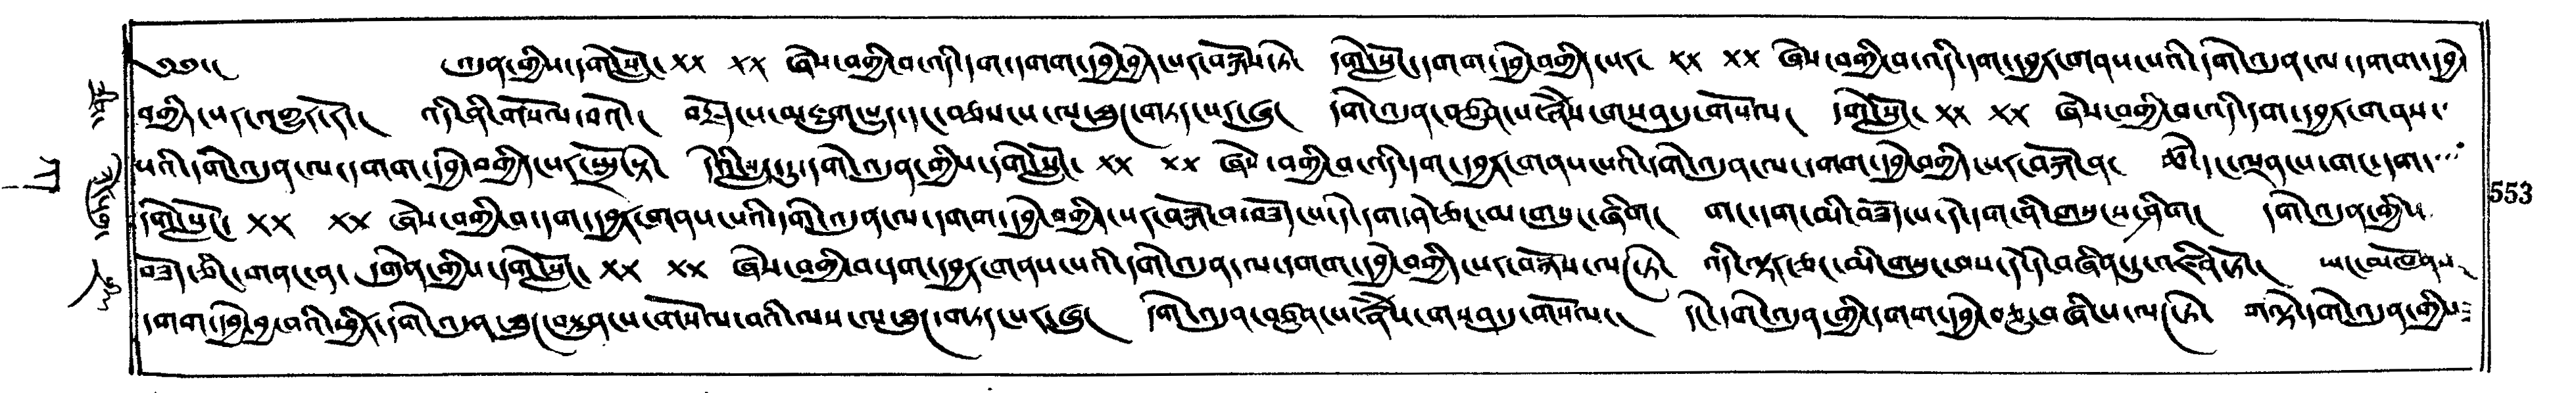འདུན་གྱིས་དགེ་སློང་ xx xx ཞེས་བགྱི་བ་འདི་དག་དགག་དབྱེ་བྱེད་པར་བསྐོས་ཏེ། དགེ་སློང་དགག་དབྱེ་བགྱིད་པར་ xx xx ཞེས་བགྱི་བ་འདི་དག་དབྱར་གནས་པའི་དགེ་འདུན་ལ་དགག་དབྱེ་
བགྱིད་པར་འགྱུར་རོ།། འདི་ནི་གསོལ་བའོ།། བརྗོད་པ་མཇུག་སྡུད་དང་བཅས་པ་ལ་ཐུགས་གཏད་པར་ཞུ། དགེ་འདུན་བཙུན་པ་རྣམས་གསན་དུ་གསོལ། དགེ་སློང་ xx xx ཞེས་བགྱི་བ་འདི་དག་དབྱར་གནས་
པའི་དགེ་འདུན་ལ་དགག་དབྱེ་བགྱིད་པར་སྤྲོ་སྟེ། དེའི་སླད་དུ་དགེ་འདུན་གྱིས་དགེ་སློང་ xx xx ཞེས་བགྱི་བ་འདི་དག་དབྱར་གནས་པའི་དགེ་འདུན་ལ་དགག་དབྱེ་བགྱིད་པར་བསྐོ་ན། ཚེ་དང་ལྡན་པ་གང་དག་
དགེ་སློང་། xx xx ཞེས་བགྱི་བ་འདི་དག་དབྱར་གནས་པའི་དགེ་འདུན་ལ་དགག་དབྱེ་བགྱིད་པར་བཟོད་པ་དེ་དག་ནི་ཅང་མ་གསུངས་ཤིག གང་དག་མི་བཟོད་པ་དེ་དག་ནི་གསུངས་ཤིག དགེ་འདུན་གྱིས་
བཟོད་ཅིང་གནང་ན། དགེ་འདུན་གྱིས་དགེ་སློང་ xx xx ཞེས་བགྱི་བ་དག་དབྱར་གནས་པའི་དགེ་འདུན་ལ་དགག་དབྱེ་བགྱིད་པར་བསྐོས་ལགས་ཏེ། འདི་ལྟར་ཅང་མི་གསུངས་བས་དེ་དེ་བཞིན་དུ་འཛིན་ཏོ།། ཡང་མཁན་པོས། 
དགག་དབྱེ་བྱ་བའི་ཕྱིར་དགེ་འདུན་ཐུགས་མཐུན་པ་གསོལ་བའི་ལས་ལ་ཐུགས་གཏད་པར་ཞུ།དགེ་འདུན་བཙུན་པ་རྣམས་གསན་དུ་གསོལ། དེང་དགེ་འདུན་གྱི་དགག་དབྱེ་བཅུ་བཞི་པ་ལགས་ཏེ། གལ་ཏེ་དགེ་འདུན་གྱིས་